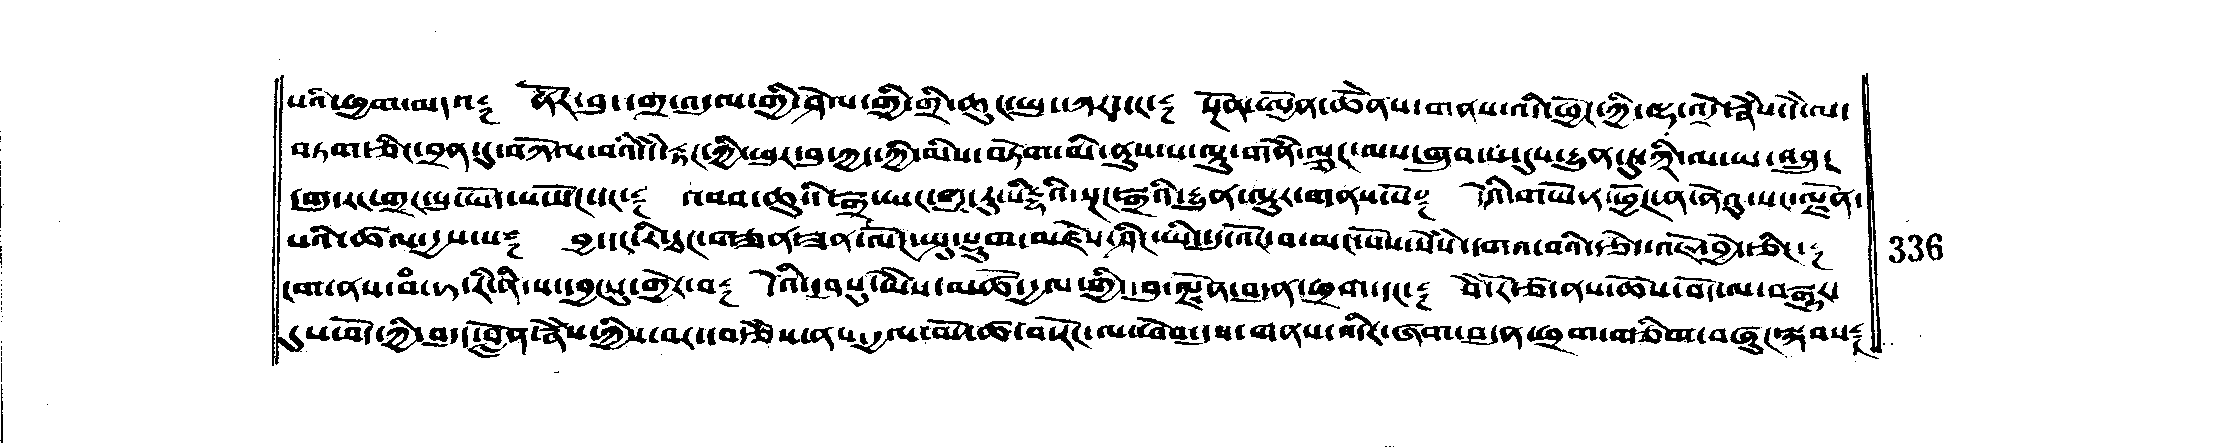པའི་ཕྱག་མདའ། ནོར་བུ་དགྲ་འདུལ་གྱི་ཤེལ་གྱི་གྲི་ཆུང་ཡུ་དཀར་དང་། སྔོན་ཨོ་རྒྱན་ཆེན་པོས་གནས་འདི་ཕྱོགས་ཀྱི་ལྷ་འདྲེ་རྣམས་དམ་ལ་
བཏགས་ཅིང་བྲན་དུ་བཀོལ་བའི་དམ་རྟགས་ཀྱི་ཕུར་བུ་གྱད་ཀྱི་མིས་བཏེགས་མི་ནུས་པ་ལྟ་བུ་གནམ་ལྕགས་ལས་གྲུབ་པ་དུས་རྒྱུན་དུ་ཀཱི་ལ་ཡ་འབྲུ་
དགུ་རང་གྲགས་སུ་ཡོད་པ་སོགས་དང་། འབབ་ཆུའི་སྒྲ་ཡང་གུ་རུ་སིདྡྷའི་སྔགས་སྒྲའི་རྒྱུན་ལྟ་བུར་གནས་སོ། དེའི་གཡོན་ཕྱོགས་ན་ནེའུ་སིང་ལྗོན་
པའི་ཚལ་རྒྱས་པ།བྱ་དང་རི་དྭགས་གཅན་ཟན་ལ་སོགས་སྤུ་སྡུག་མཛེས་ཤིང་ཡིད་དུ་འོང་བ་མང་པོས་སེམས་དགའ་བའི་རྩེད་འཇོ་བྱེད་ཅིང་། 
ངག་ནས་བཾ་ཧ་རི་ནི་ས་དབྱངས་སུ་གྱེར་བ། དེའི་དབུས་སུ་ཡེ་ཤེས་མཚོ་རྒྱལ་གྱི་དབུ་ལྗོན་བདུན་ཕྲག་དང་། བཻ་རོ་ཙ་ནས་ཆོས་བོད་ལ་བསྒྱུར་
དུས་བོད་ཀྱི་བདུད་བློན་རྣམས་ཀྱིས་བར་ཆད་བརྩམས་ནས་རྒྱལ་མོ་ཚ་བ་རོང་ལ་ཕེབས་དུས་གནས་འདིར་ཞག་བདུན་ཕྲག་གཅིག་བཞུགས་སྐབས།